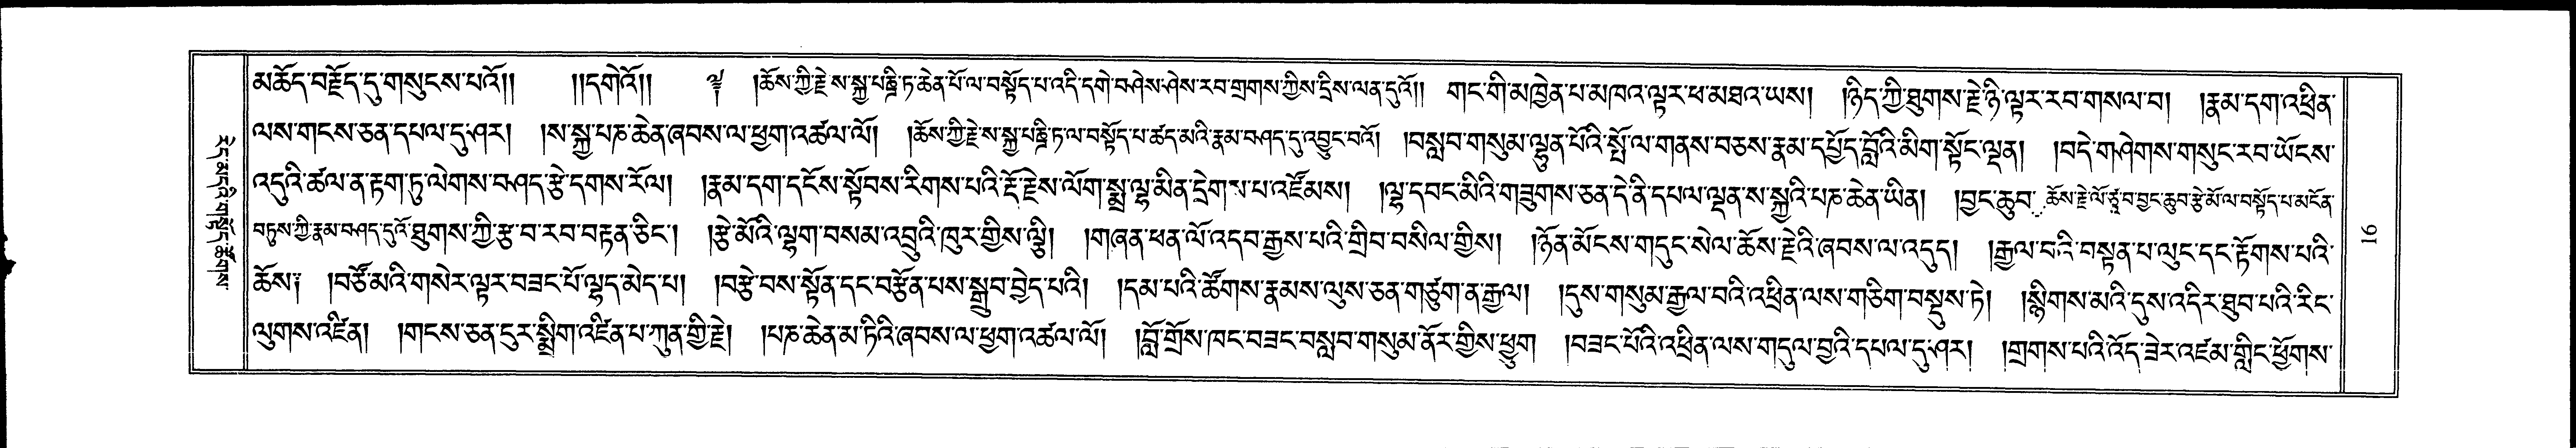མཆོད་བརྗོད་དུ་གསུངས་པའོ།། །།དགེའོ།། ༈ །ཆོས་ཀྱི་རྗེ་ས་སྐྱ་པཎྜི་ཏ་ཆེན་པོ་ལ་བསྟོད་པ་འདི་དགེ་བཤེས་ཤེས་རབ་གྲགས་ཀྱིས་དྲིས་ལན་དུའོ། །གང་གི་མཁྱེན་པ་མཁའ་ལྟར་ཕ་མཐའ་ཡས། །ཉིད་ཀྱི་ཐུགས་རྗེ་ཉི་ལྟར་རབ་གསལ་བ། །རྣམ་དག་འཕྲིན་
ལས་གངས་ཅན་དཔལ་དུ་ཤར། །ས་སྐྱ་པཎ་ཆེན་ཞབས་ལ་ཕྱག་འཚལ་ལོ། །ཆོས་ཀྱི་རྗེས་སྐྱ་པཎྡི་ཏ་ལ་བསྟོད་པ་ཚད་མའི་རྣམ་བཤད་དུ་འབྱུང་བའོ། །བསླབ་གསུམ་ལྷུན་པོའི་སྤོ་ལ་གནས་བཅས་རྣམ་དཔྱོད་བློའི་མིག་སྟོང་ལྡན། །བདེ་གཤེགས་གསུང་རབ་ཡོངས་
འདུའི་ཚལ་ན་རྟག་ཏུ་ལེགས་བཤད་རྩེ་དགས་རོལ། །རྣམ་དག་དངོས་སྟོབས་རིགས་པའི་རྡོ་རྗེས་ལོག་སྨྲ་ལྷ་མིན་དྲེགས་པ་འཛོམས། །ལྷ་དབང་མིའི་གཟུགས་ཅན་དེ་ནི་དཔལ་ལྡན་ས་སྐྱའི་ཕཎ་ཆེན་ཡིན། །བྱང་ཆུབ་ཆོས་རྗེ་ལོ་ཙཱ་བ་བྱང་ཆུབ་རྩེ་མོ་ལ་བསྟོད་པ་མངོན་
བཏུས་ཀྱི་རྣམ་བཤད་དུའོ་ཐུགས་ཀྱི་རྩ་བ་རབ་བརྟན་ཅིང་། །རྩེ་མོའི་ལྷག་བསམ་འབྲུའི་ཁུར་གྱིས་ལྕི། །གཞན་ཕན་ལོ་འདབ་རྒྱས་པའི་གྲིབ་བསིལ་གྱིས། །ཉོན་མོངས་གདུང་སེལ་ཆོས་རྗེའི་ཞབས་ལ་འདུད། །རྒྱལ་བའི་བསྟན་པ་ལུང་དང་རྟོགས་པའི་
ཆོས། །བཙོ་མའི་གསེར་ལྟར་བཟང་པོ་ལྷད་མེད་པ། །བརྩེ་བས་སྟོན་དང་བརྩོན་པས་སྒྲུབ་བྱེད་པའི། །དམ་པའི་ཚོགས་རྣམས་ལུས་ཅན་གཙུག་ན་རྒྱལ། །དུས་གསུམ་རྒྱལ་བའི་འཕྲིན་ལས་གཅིག་བསྡུས་ཏེ། །སྙིགས་མའི་དུས་འདིར་ཐུབ་པའི་རིང་
ལུགས་འཛིན། །གངས་ཅན་ངུར་སྨྲིག་འཛིན་པ་ཀུན་གྱི་རྗེ། །པཎ་ཆེན་མ་ཏིའི་ཞབས་ལ་ཕྱག་འཚལ་ལོ། །བློ་གྲོས་ཁང་བཟང་བསླབ་གསུམ་ནོར་གྱིས་ཕྱུག། །བཟང་པོའི་འཕྲིན་ལས་གདུལ་བྱའི་དཔལ་དུ་ཤར། །གྲགས་པའི་འོད་ཟེར་འཛམ་གླིང་ཕྱོགས་